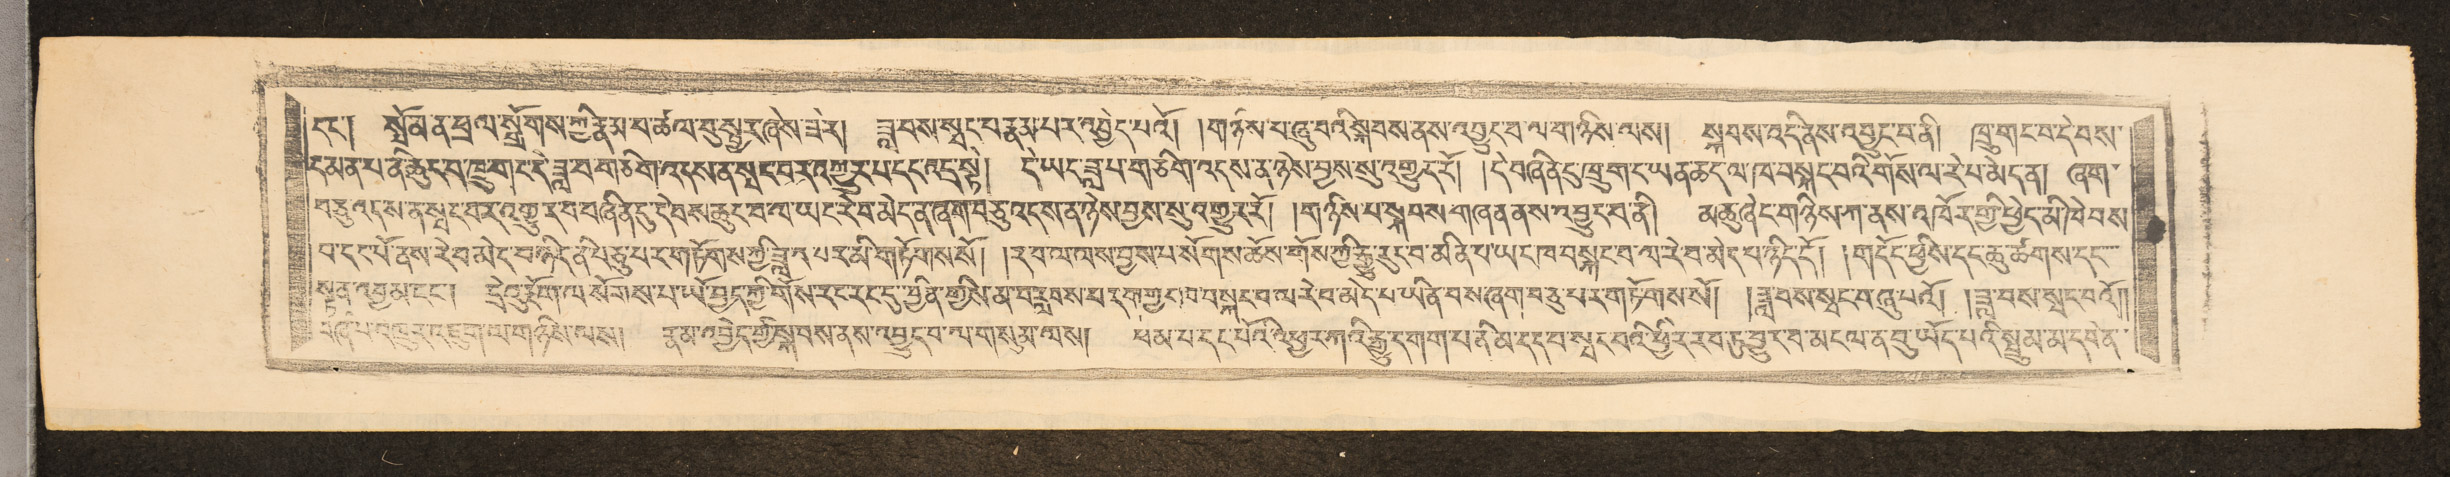དང་། སྦོམ་ན་ཕྲལ་སྒྲོགས་ཀྱི་རྣམ་པ་ཚལ་བུ་སྦྱར་ཞེས་ཟེར། ཟླ་བས་སྤང་པ་རྣམ་པར་འབྱེད་པའོ། །གཉིས་པ་ཞུ་བའི་སྐབས་ནས་འབྱུང་བ་ལ་གཉིས་ལས། སྐབས་འདི་ནས་འབྱུང་བ་ནི། ཁྲུ་གང་བ་དེ་བས་
དམན་པ་ནི་ཆུང་བ་ཁྲུ་གང་དེ་ཟླ་བ་གཅིག་འདས་ན་སྤང་བར་འགྱུར་བ་དང་འདྲ་སྟེ། དེ་ཡང་ཟླ་བ་གཅིག་འདས་ན་ཉེས་བྱས་སུ་འགྱུར་རོ། །དེ་བཞིན་དུ་ཁྲུ་གང་ཡན་ཆད་ལ་ཁ་བསྐང་བའི་གོས་ལ་རེ་བ་མེད་ན། ཞག་
བཅུ་འདས་ན་སྤང་བར་འགྱུར་བ་བཞིན་དུ་དེ་བས་ཆུང་བ་ལ་ཡང་རེ་བ་མེད་ན་ཞག་བཅུ་འདས་ན་ཉེས་བྱས་སུ་འགྱུར་རོ། །གཉིས་པ་སྐབས་གཞན་ནས་འབྱུང་བ་ནི། མཆུ་ཞེང་གཉིས་ཀ་ནས་འཁོར་གྱི་ཕྱེད་མི་ཁེགས་
པ་དང་པོ་ནས་རེ་བ་མེད་པ་ཉིད་ནི་བཅུ་པར་གཏོགས་ཀྱི་ཟླ་བ་པར་མི་གཏོགས་སོ། །རབ་ལ་ལས་བྱས་པ་སོགས་ཆོས་གོས་ཀྱི་རྒྱུ་རུང་བ་མིན་པ་ཡང་ཁ་བསྐད་བ་ལ་རེ་བ་མེད་པ་ཉིད་དོ། །གདོང་ཕྱིས་དང་ཆུ་ཚགས་དང་
སྟན་འབྱམ་དང་། དྲེའུ་རྡོག་ལ་སོགས་པ་ཡོ་བྱད་གྱི་གོས་རང་རང་དུ་བྱིན་གྱིས་མ་བརླབས་པ་དག་ཀྱང་ཁ་བསྐང་བ་ལ་རེ་བ་མེད་པ་ཡིན་པས་ཞག་བཅུ་པར་གཏོགས་སོ། །ཟླ་བས་སྤང་བ་ཞུ་བའོ། །ཟླ་བས་སྤང་པའོ།།
བ་ཞི་པ་འཁྲུར་འཇུག་ལ་གཉིས་ལས། རྣམ་འབྱེད་ཀྱི་སྙབས་ནས་འབྱུང་བ་ལ་གསུམ་ལས། ཕམ་པ་དང་པོའི་འཕྱར་ཀའི་རྒྱུ་དགག་པ་ནི་མ་དད་པ་སྤང་བའི་ཕྱིར་རབ་ཏུ་བྱུང་བ་མངལ་ན་བུ་ཡོད་པའི་སྒྲུམ་མ་དབེན་